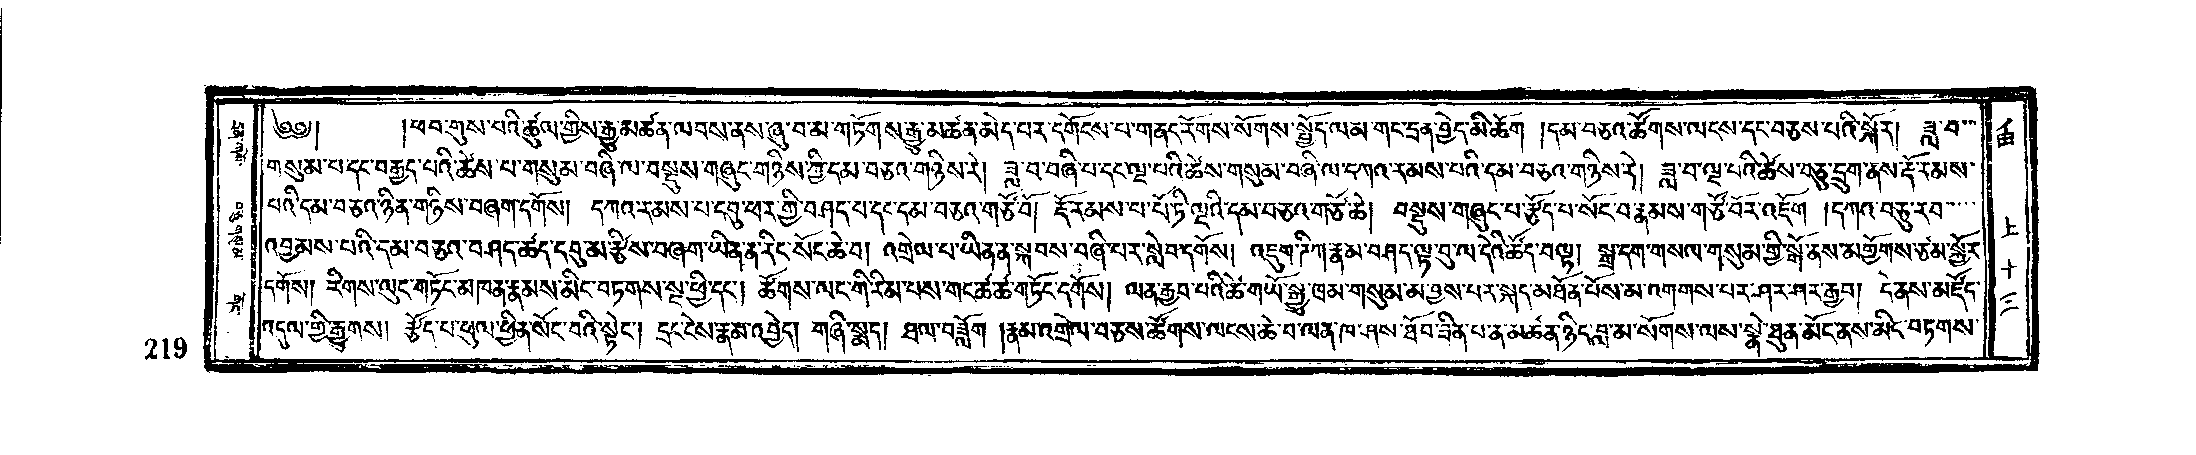༄༅། །ཕབ་གུས་པའི་ཚུལ་གྱིས་རྒྱུ་མཚན་ལབས་ནས་ཞུ་བ་མ་གཏོགས་རྒྱུ་མཚན་མེད་པར་དགོངས་པ་གནང་རོགས་སོགས་སྤྱོད་ལམ་གང་དྲན་བྱེད་མི་ཆོག །དམ་བཅའ་ཚོགས་ལངས་དང་བཅས་པའི་སྐོར། ཟླ་བ་
གསུམ་པ་དང་བརྒྱད་པའི་ཚེས་པ་གསུམ་བཞི་ལ་བསྡུས་གཞུང་གཉིས་ཀྱི་དམ་བཅའ་གཉིས་རེ། ཟླ་བ་བཞི་པ་དང་ལྔ་པའི་ཚེས་གསུམ་བཞི་ལ་དཀའ་རམས་པའི་དམ་བཅའ་གཉིས་རེ། ཟླ་བ་ལྔ་པའི་ཚེས་བཅུ་དྲུག་ནས་རྡོ་རམས་
པའི་དམ་བཅའ་ཉིན་གཉིས་བཞག་དགོས། དཀའ་རམས་པ་དབུ་ཕར་གྱི་བཤད་པ་དང་དམ་བཅའ་གཙོ་བོ། རྡོ་རམས་པ་པོ་ཏི་ལྔའི་དམ་བཅའ་གཙོ་ཆེ། བསྡུས་གཞུང་པ་རྩོད་པ་སོང་བ་རྣམས་གཙོ་བོར་འཇོག །དཀའ་བཅུ་རབ་
འབྱམས་པའི་དམ་བཅའ་བཤད་ཚད་དབུ་མ་རྩིས་བཞག་ཡིན་ན་རིང་སོང་ཆེ་བ། འགྲེལ་པ་ཡིན་ན་སྐབས་བཞི་པར་སླེབ་དགོས། འཇུག་ཌིཀ་རྣམ་བཤད་ལྟ་བུ་ལ་དེའི་ཚོད་བལྟ། སྒྲ་དག་གསལ་གསུལ་གྱི་སྒོ་ནས་མགྱོགས་ཙམ་སྐྱོར་
དགོས། རིགས་ལུང་གཏོང་མཁན་རྣམས་མིང་བཏགས་སྔ་ཕྱི་དང་། ཚོགས་ལང་གི་རིམ་པས་གང་ཚ་ཚ་གཏོང་དགོས། ལན་རྒྱབ་པའི་ཚེ་གཡོ་སྒྱུ་ཁྲམ་གསུམ་མ་བྱས་པར་སྐད་མཐོན་པོས་མ་འགགས་པར་ཤར་ཤར་རྒྱབ། དེ་ནས་མཛོད་
འདུལ་གྱི་རྒྱུགས། རྩོད་པ་ཕུལ་ཕྱིན་སོང་བའི་སྟེང་། དྲང་ངེས་རྣམ་འབྱེད། གཞི་སྨད། ཐལ་བཟློག །རྣམ་འགྲེལ་བཅས་ཚོགས་ལངས་ཆེ་བ་ལན་ཁ་ཤས་ཐོབ་ཟིན་པ་ན་མཚན་ཉིད་བླ་མ་སོགས་ལས་སྣེ་ཐུན་མོང་ནས་མིང་བཏགས་